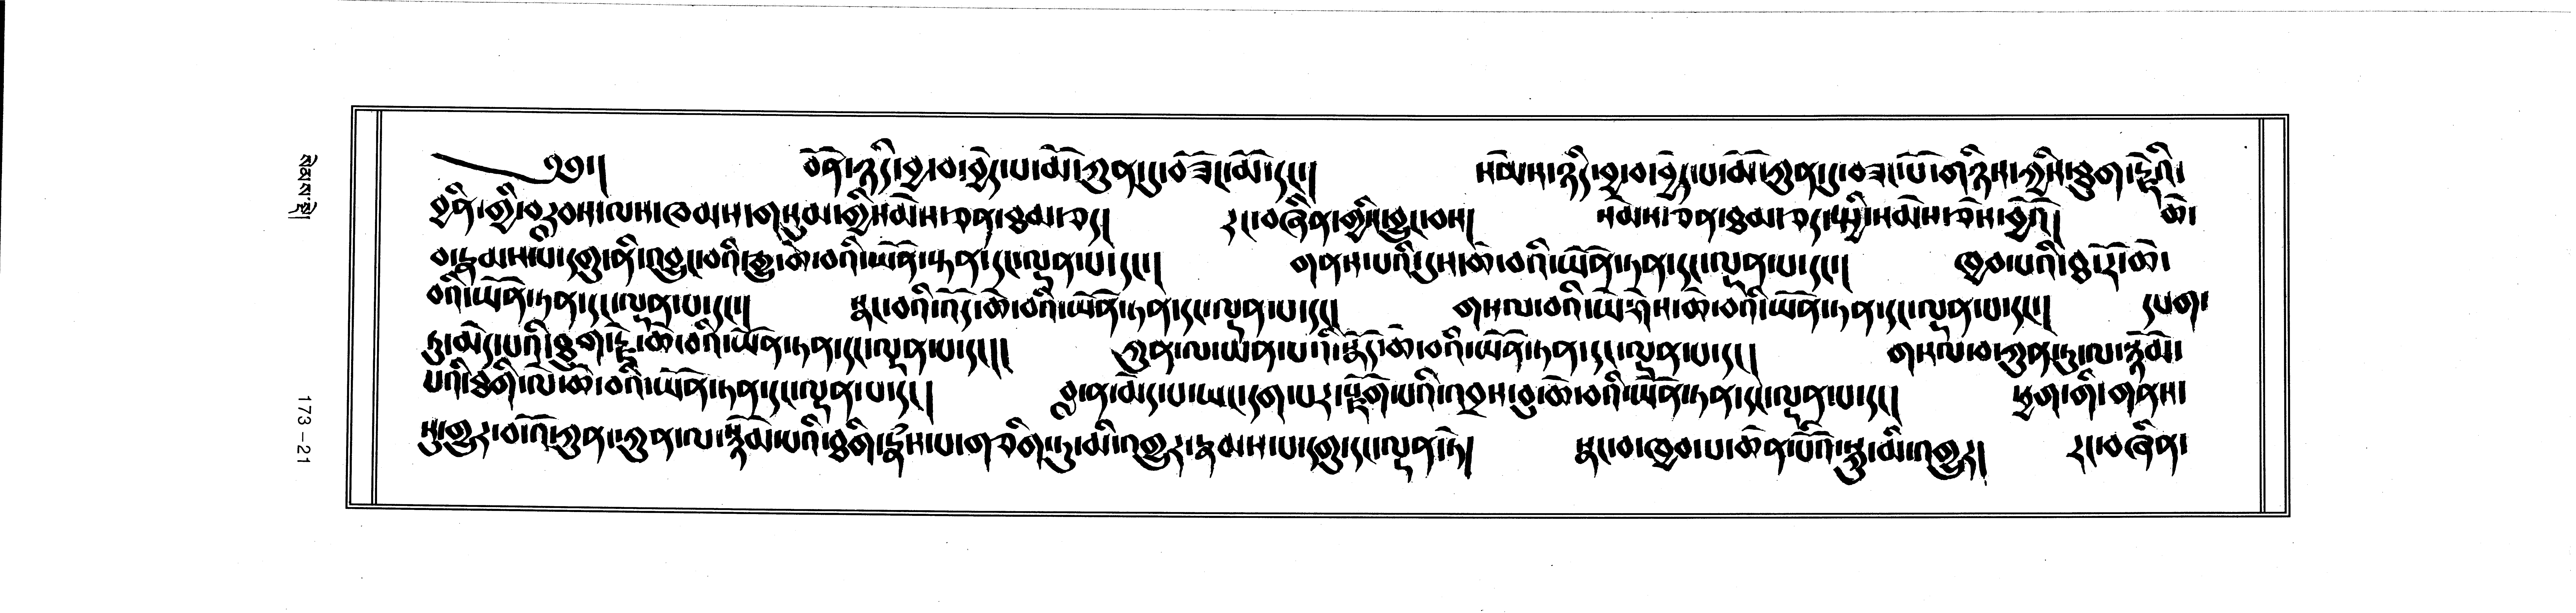བོན་ཉིད་བྱ་བ་བྱེད་པ་མོ་ཀུན་ཏུ་བཟང་མོ་དང་། སེམས་ཉིད་བྱ་བ་བྱེད་པ་མོ་ཀུན་ཏུ་བཟང་མོ་གཉིས་ཀྱིས་ཐུགས་རྗེའི་
བྱིན་གྱི་བརླབས་ལས་ཁམས་གསུམ་གྱི་སེམས་ཅན་ཐམས་ཅད། རང་བཞིན་གྱིས་བྱུང་བས། སེམས་ཅན་ཐམས་ཅད་ཀྱི་སེམས་ཅེས་བྱའོ། །ཆེ་
བ་རྣམ་པ་དགུ་ནི་འབྱུང་བའི་རྒྱུ་ཆེ་བའི་ཡོན་ཏན་དང་ལྡན་པ་དང་། གནས་པའི་དུས་ཆེ་བའི་ཡོན་ཏན་དང་ལྡན་པ་དང་། ཁྱབ་པའི་ཐ་རོ་ཆེ་
བའི་ཡོན་ཏན་དང་ལྡན་པ་དང་། སྣང་བའི་འོད་ཆེ་བའི་ཡོན་ཏན་དང་ལྡན་པ་དང་། གསལ་བའི་ཡེ་ཤེས་ཆེ་བའི་ཡོན་ཏན་དང་ལྡན་པ་དང་། དཔག་
ཏུ་མེད་པའི་ཐུགས་རྗེ་ཆེ་བའི་ཡོན་ཏན་དང་ལྡན་པ་དང་། ཀུན་ལ་ཡན་པའི་སྣོད་ཆེ་བའི་ཡོན་ཏན་དང་ལྡན་པ་དང་། གསལ་བ་ཀུན་ལ་སྙོམས་
པའི་ཐིག་ལེ་ཆེ་བའི་ཡོན་ཏན་དང་ལྡན་པ་དང་། བླ་ན་མེད་པ་ཡང་དག་པར་རྫོགས་པའི་འབྲས་བུ་ཆེ་བའི་ཡོན་ཏན་དང་ལྡན་པ་དང་། ཕྱག་གི་གནས་
སུ་གྱུར་པའོ། ཀུན་ལ་སྙོམས་པའི་ཐིག་ལེ་རྣམ་པ་གཅིག་ཏུ་མི་འགྱུར་རྣམ་པ་དགུ་དང་ལྡན་ཏེ། སྣང་བ་ཁྱབ་པ་ཆེན་པོའི་སྐུ་མི་འགྱུར། རང་བཞིན་